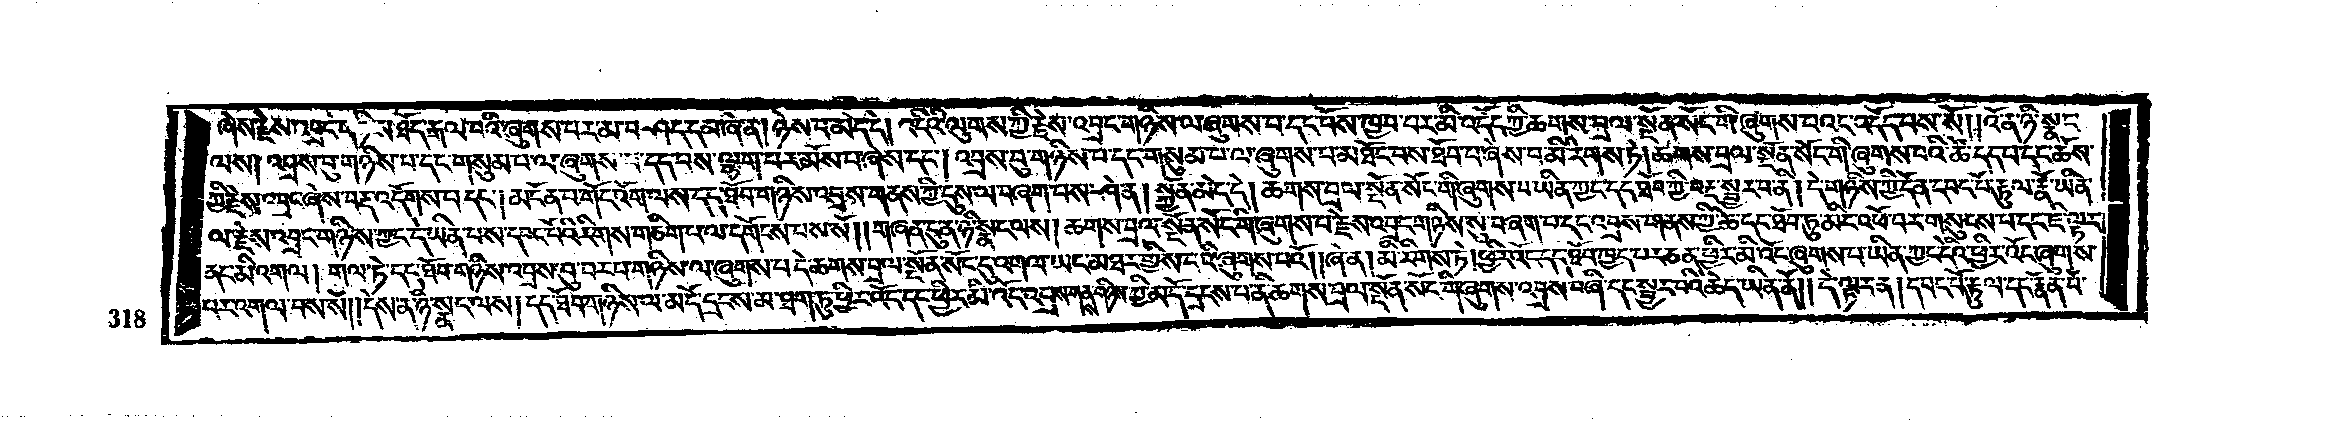ཞེས་རྗེས་འབྲང་གཉིས་ཐོད་རྒལ་བའི་ཞུགས་པར་མ་བཤད་དམ་ཞེ་ན། ཉེས་པ་མེད་དེ། འདིའི་ལུགས་ཀྱི་རྗེས་འབྲང་གཉིས་ལ་ཞུགས་པ་དང་པོས་ཁྱབ་པར་མི་འདོད་ཀྱི་ཆགས་བྲལ་སྔོན་སོང་གི་ཞུགས་པའང་འདོད་པས་སོ། །འོ་ན་ཉི་སྣང་
ལས། འབྲས་བུ་གཉིས་པ་དང་གསུམ་པ་ལ་ཞུགས་པ་དད་པས་ལྷག་པར་མོས་པ་ཞེས་དང་། འབྲས་བུ་གཉིས་པ་དང་གསུམ་པ་ལ་ཞུགས་པ་མཐོང་བས་ཐོབ་པ་ཞེས་པ་མི་རིགས་ཏེ། ཆགས་བྲལ་སྔོན་སོང་གི་ཞུགས་པའི་ཚེ་དད་པ་དང་ཆོས་
ཀྱི་རྗེས་འབྲང་ཞེས་བརྡ་འདོགས་པ་དང་། མངོན་པ་གོང་འོག་ལས་དད་ཐོབ་གཉིས་འབྲས་གནས་ཀྱི་དུས་ལ་བཞག་པས་ཤེ་ན། སྐྱོན་མེད་དེ། ཆགས་བྲལ་སྔོན་སོང་གི་ཞུགས་པ་ཡིན་ཀྱང་དད་ཐོབ་ཀྱི་བརྡ་སྦྱར་བ་ནི། དེ་གཉིས་ཀྱི་དོན་དབང་པོ་རྟུལ་རྣོ་ཡིན་
ལ་རྗེས་འབྲང་གཉིས་ཀྱང་དེ་ཡིན་པས་དབང་པོའི་རིགས་གཅིག་པ་ལ་དགོངས་པས་སོ། །གཞན་དུ་ན་ཉི་སྣང་ལས། ཆགས་བྲལ་སྔོན་སོང་གི་ཞུགས་པ་རྗེས་འབྲང་གཉིས་སུ་བཞག་པ་དང་འབྲས་གནས་ཀྱི་ཆ་དང་ཐོབ་ཏུ་མིང་འཕོ་བར་གསུངས་པ་དང་ཇི་ལྟར་
ནང་མི་འགལ། གལ་ཏེ་དད་ཐོབ་གཉིས་འབྲས་བུ་བར་པ་གཉིས་ལ་ཞུགས་པ་དེ་ཆགས་བྲལ་སྔོན་སོང་དུ་འགལ་ཡང་མཐར་གྱིས་བའི་ཞུགས་པའོ། །ཞེ་ན། མི་རིགས་ཏེ། ཕྱིར་འོང་དད་ཐོབ་ཁྱད་པར་ཅན་ཕྱིར་མི་འོང་ཞུགས་པ་ཡིན་ཀྱང་དེའི་ཕྱིར་འོང་ཞུགས་
པར་འགལ་བས་སོ། །དེས་ན་ཉི་སྣང་ལས། དད་ཐོབ་གཉིས་ལ་མདོ་དྲངས་མ་ཐག་ཏུ་ཕྱིར་འོང་དང་ཕྱིར་མི་འོང་འབྲས་གནས་གཉིས་ཀྱི་མདོ་དྲངས་བ་ནི་ཆགས་བྲལ་སྔོན་སོང་གི་ཞུགས་འབྲས་བཞི་དང་སྦྱར་བའི་ཆེད་ཡིན་ནོ། །དེ་ལྟར་ན། དབང་པོ་རྟུལ་དང་རྣོན་པོ་